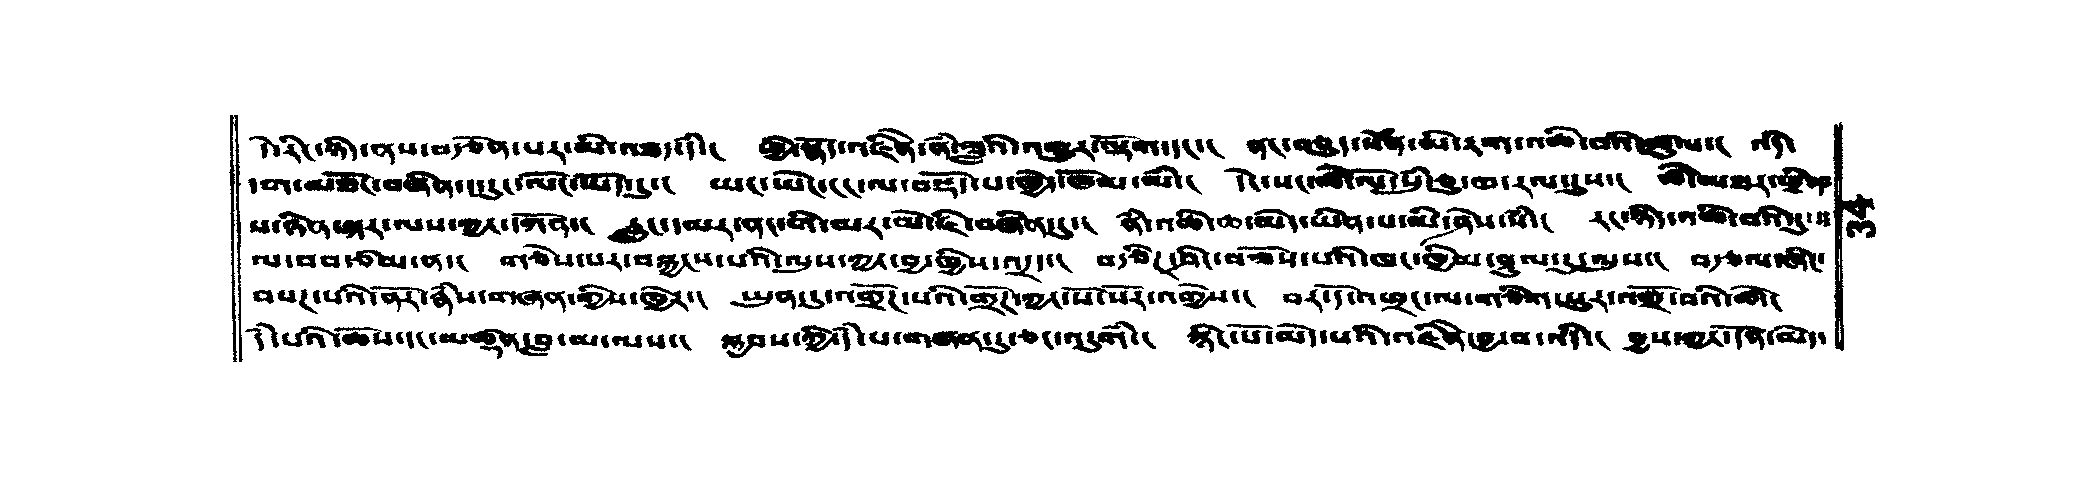།དེ་རིང་ཉིད་ནས་བརྩོན་པར་མི་འཐད་དམ། །ཕྱི་སྣོད་འཇིག་རྟེན་ནམ་ཟླའི་འགྱུར་ལྡོག་དང་། །ནང་བཅུད་སེམས་ཅན་མི་རྟག་འཆི་བའི་ཚུལ། །འདི་
དག་མཐོང་བཞིན་ད་དུང་ལོང་ཡོད་དུ། །ཡང་ཡོང་ངང་ལ་བསྡོད་པ་ཁྱེད་ཁོམ་མམ། །དེང་སང་ཚེ་ལོ་སུམ་ཅུ་ཁ་རལ་དུས། །ཚེ་མཐར་ཕྱིན་
པ་ཉིན་སྐར་ལས་ཀྱང་དཀོན། །རླུང་དམར་ནང་གི་མར་མེ་ཇི་བཞིན་དུ། །ནམ་འཆི་ཆ་མེད་ཡིན་པ་མི་ཤེས་སམ། །རང་ཉིད་འཆི་བའི་དུས་
ལ་བབ་ཙམ་ན། །གཅེས་པར་བསྐྱངས་པའི་ལུས་ཀྱང་བྱ་ཁྱིས་འདྲད། །བརྩིགས་ཤིང་བཟོས་པའི་ཁང་ཁྱིམ་ཤུལ་དུ་ལུས། །བཙལ་ཞིང་
བསགས་པའི་ནོར་རྣམས་གཞན་གྱིས་ཁྱེར། །ཡུན་དུ་འགྲོགས་པའི་གྲོགས་ཀྱང་སོ་སོར་གྱེས། །བར་དོའི་འཕྲང་ལ་གཅིག་པུར་འགྲོ་བའི་ཚེ། །
དམ་པའི་ཆོས་དང་མཚན་ལྡན་བླ་མ་ལས། །སྐྱབས་ཀྱི་དམ་པ་གཞན་དུ་ཅང་འདུག་གམ། །སྙིང་པོ་མེད་པའི་འཇིག་རྟེན་བྱ་བ་འདི། །བྱས་ཀྱང་དོན་མེད་